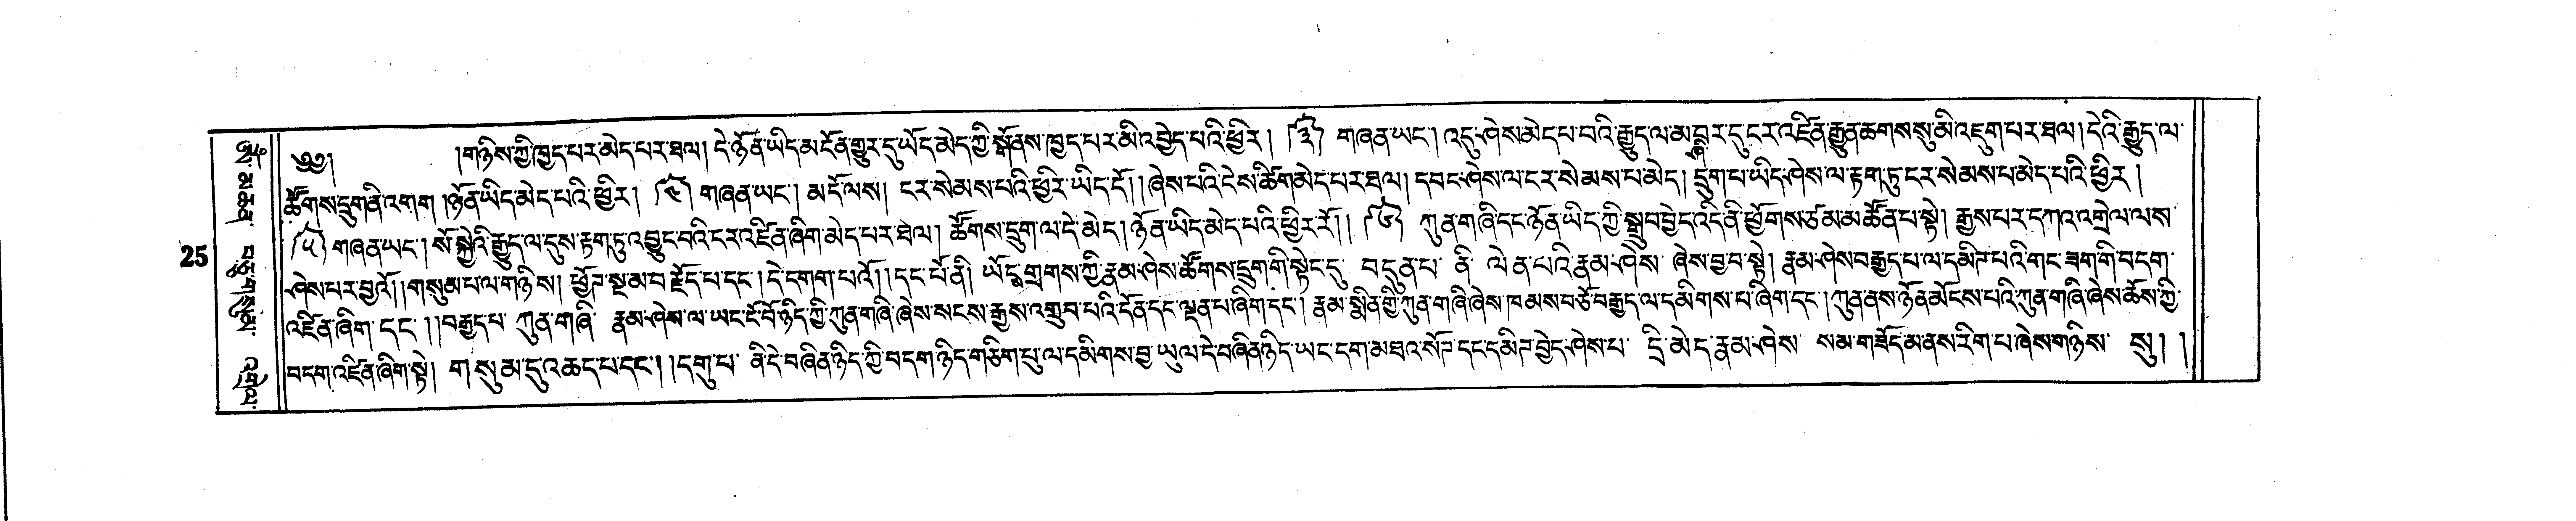༄༅། །གཉིས་ཀྱི་ཁྱད་པར་མེད་པར་ཐལ། དེ་ཉོན་ཡིད་མངོན་གྱུར་དུ་ཡོད་མེད་ཀྱི་སྒོ་ནས་ཁྱད་པར་མི་འབྱེད་པའི་ཕྱིར། ༣?་གཞན་ཡང་། འདུ་ཤེས་མེད་པ་བའི་རྒྱུད་ལ་མ་ཤི་བར་དུ་ངར་འཛིན་རྒྱུན་ཆགས་སུ་མི་འཇུག་པར་ཐལ། དེའི་རྒྱུད་ལ་
ཚོགས་དྲུག་ནི་འགག །ཉོན་ཡིད་མེད་པའི་ཕྱིར། ༤?་གཞན་ཡང་། མདོ་ལས། ངར་སེམས་པའི་ཕྱིར་ཡིད་དོ། །ཞེས་པའི་ངེས་ཚིག་མེད་པར་ཐལ། དབང་ཤེས་ལ་ངར་སེམས་པ་མེད། དྲུག་པ་ཡིད་ཤེས་ལ་རྟག་ཏུ་ངར་སེམས་པ་མེད་པའི་ཕྱིར།
༼༥?་གཞན་ཡང་། སོ་སྐྱེའི་རྒྱུད་ལ་དུས་རྟག་ཏུ་འབྱུང་བའི་ངར་འཛིན་ཞིག་མེད་པར་ཐལ། ཚོགས་དྲུག་ལ་དེ་མེད། ཉོན་ཡིད་མེད་པའི་ཕྱིར་རོ།། ༽༦?་ཀུན་གཞི་དང་ཉོན་ཡིད་ཀྱི་སྒྲུབ་བྱེད་འདི་ནི་ཕྱོགས་ཙམ་མཚོན་པ་སྟེ། རྒྱས་པར་དཀའ་འགྲེལ་ལས་
ཤེས་པར་བྱའོ། །གསུམ་པ་ལ་གཉིས། ཕྱོགས་སྔ་མ་བརྗོད་པ་དང་། དེ་དགག་པའོ། །དང་པོ་ནི། ཡོངས་གྲགས་ཀྱི་རྣམ་ཤེས་ཚོགས་དྲུག་གི་སྟེང་དུ་བདུན་པ་ནི་ལེན་པའི་རྣམ་ཤེས་ཞེས་བྱ་བ་སྟེ། རྣམ་ཤེས་བརྒྱད་པ་ལ་དམིགས་པའི་གང་ཟག་གི་བདག་
འཛིན་ཞིག་དང་། །བརྒྱད་པ་ཀུན་གཞི་རྣམ་ཤེས་ལ་ཡང་ངོ་བོ་ཉིད་ཀྱི་ཀུན་གཞི་ཞེས་སངས་རྒྱས་འགྲུབ་པའི་དོན་དང་ལྡན་པ་ཞིག་དང་། རྣམ་སྨིན་གྱི་ཀུན་གཞི་ཞེས་ཁམས་བཅོ་བརྒྱད་ལ་དམིགས་པ་ཞིག་དང་། ཀུན་ནས་ཉོན་མོངས་པའི་ཀུན་གཞི་ཞེས་ཆོས་ཀྱི་
བདག་འཛིན་ཞིག་སྟེ། གསུམ་དུ་འཆད་པ་དང་། །དགུ་པ་ནི་དེ་བཞིན་ཉིད་ཀྱི་བདག་ཉིད་གཅིག་པུ་ལ་དམིགས་བྱ་ཡུལ་དེ་བཞིན་ཉིད་ཡང་དག་མཐའ་སོགས་དང་དམིགས་བྱེད་ཤེས་པ་དྲི་མེད་རྣམ་ཤེས་སམ་གཟོད་མ་ནས་རིག་པ་ཞེས་གཉིས་སུ། །